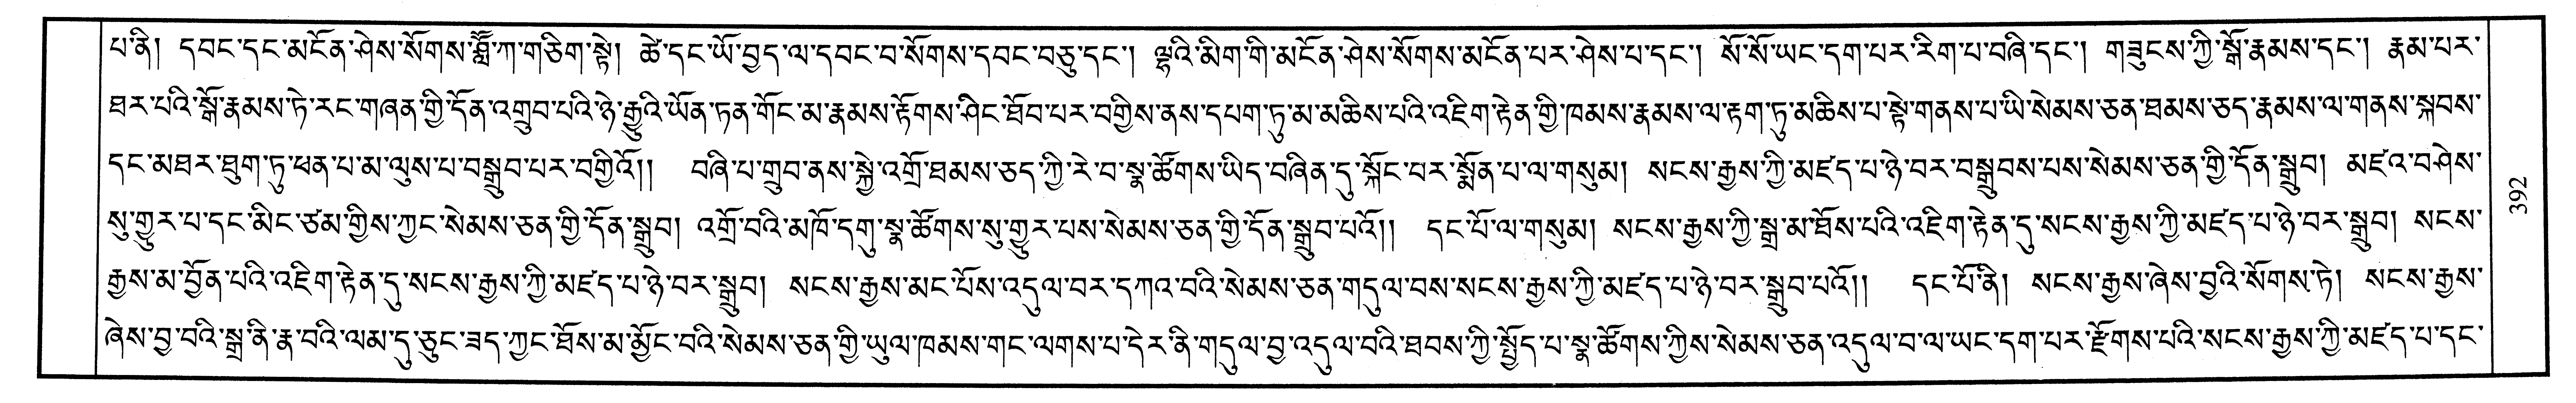པ་ནི། དབང་དང་མངོན་ཤེས་སོགས་ཤླཽ་ཀ་གཅིག་སྟེ། ཚེ་དང་ཡོ་བྱད་ལ་དབང་བ་སོགས་དབང་བཅུ་དང་། ལྷའི་མིག་གི་མངོན་ཤེས་སོགས་མངོན་པར་ཤེས་པ་དང་། སོ་སོ་ཡང་དག་པར་རིག་པ་བཞི་དང་། གཟུངས་ཀྱི་སྒོ་རྣམས་དང་། རྣམ་པར་
ཐར་པའི་སྒོ་རྣམས་ཏེ་རང་གཞན་གྱི་དོན་འགྲུབ་པའི་ཉེ་རྒྱུའི་ཡོན་ཏན་གོང་མ་རྣམས་རྟོགས་ཤིང་ཐོབ་པར་བགྱིས་ནས་དཔག་ཏུ་མ་མཆིས་པའི་འཇིག་རྟེན་གྱི་ཁམས་རྣམས་ལ་རྟག་ཏུ་མཆིས་པ་སྟེ་གནས་པ་ཡི་སེམས་ཅན་ཐམས་ཅད་རྣམས་ལ་གནས་སྐབས་
དང་མཐར་ཐུག་ཏུ་ཕན་པ་མ་ལུས་པ་བསྒྲུབ་པར་བགྱིའོ།། བཞི་པ་གྲུབ་ནས་སྐྱེ་འགྲོ་ཐམས་ཅད་ཀྱི་རེ་བ་སྣ་ཚོགས་ཡིད་བཞིན་དུ་སྐོང་བར་སྨོན་པ་ལ་གསུམ། སངས་རྒྱས་ཀྱི་མཛད་པ་ཉེ་བར་བསྒྲུབས་པས་སེམས་ཅན་གྱི་དོན་སྒྲུབ། མཛའ་བཤེས་
སུ་གྱུར་པ་དང་མིང་ཙམ་གྱིས་ཀྱང་སེམས་ཅན་གྱི་དོན་སྒྲུབ། འགྲོ་བའི་མཁོ་དགུ་སྣ་ཚོགས་སུ་གྱུར་པས་སེམས་ཅན་གྱི་དོན་སྒྲུབ་པའོ།། དང་པོ་ལ་གསུམ། སངས་རྒྱས་ཀྱི་སྒྲ་མ་ཐོས་པའི་འཇིག་རྟེན་དུ་སངས་རྒྱས་ཀྱི་མཛད་པ་ཉེ་བར་སྒྲུབ། སངས་
རྒྱས་མ་བྱོན་པའི་འཇིག་རྟེན་དུ་སངས་རྒྱས་ཀྱི་མཛད་པ་ཉེ་བར་སྒྲུབ། སངས་རྒྱས་མང་པོས་འདུལ་བར་དཀའ་བའི་སེམས་ཅན་གདུལ་བས་སངས་རྒྱས་ཀྱི་མཛད་པ་ཉེ་བར་སྒྲུབ་པའོ།། དང་པོ་ནི། སངས་རྒྱས་ཞེས་བྱའི་སོགས་ཏེ། སངས་རྒྱས་
ཞེས་བྱ་བའི་སྒྲ་ནི་རྣ་བའི་ལམ་དུ་ཅུང་ཟད་ཀྱང་ཐོས་མ་མྱོང་བའི་སེམས་ཅན་གྱི་ཡུལ་ཁམས་གང་ལགས་པ་དེར་ནི་གདུལ་བྱ་འདུལ་བའི་ཐབས་ཀྱི་སྤྱོད་པ་སྣ་ཚོགས་ཀྱིས་སེམས་ཅན་འདུལ་བ་ལ་ཡང་དག་པར་རྫོགས་པའི་སངས་རྒྱས་ཀྱི་མཛད་པ་དང་